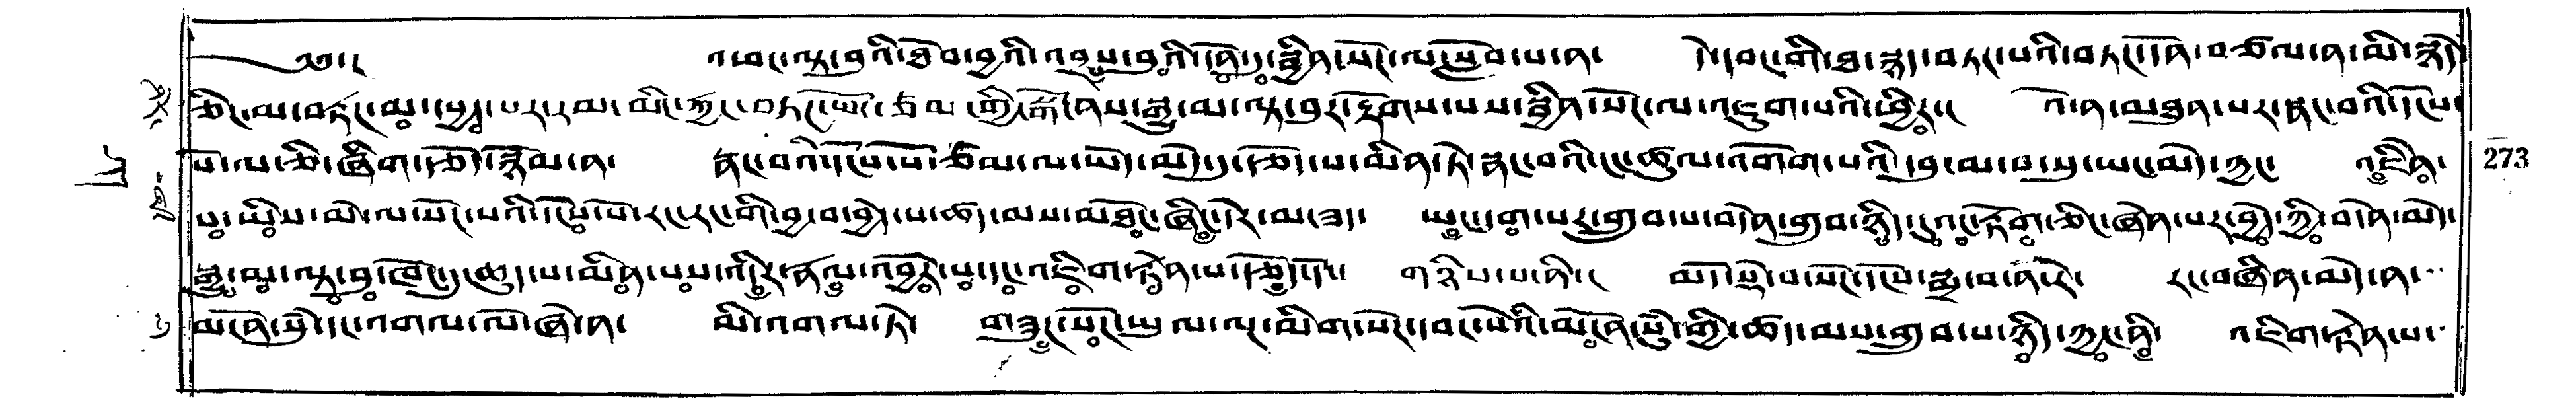འཕང་ལྟ་བུའིའཐོབ་བྱའི་འབྲས་བུའི་དོན་དུ་སྦྱིན་སོགས་ལ་སློབ་པ་ན།དེའི་དབང་གིས་ཐ་སྙད་བཏགས་པའི་བཏགས་དོན་བཙལ་ན་མི་རྙེད་
ཅིང་མ་བརྟགས་མ་དཔྱད་པར་རམ་མིང་རྐྱང་བཏགས་ཡོད་ཙམ་གྱིས་སྒོ་ནས་སྒྱུ་མ་ལྟ་བུར་རྟོགས་པས་སྦྱིན་སོགས་ལ་འཇུག་པའི་ཕྱིར། འོ་ན་མཐུན་པར་སྣང་བའི་དངོས་
པོ་ལ་ཅི་ཞིག་རྩོད་སྙམ་ན། སྣང་བའི་དངོས་པོ་ཙམ་ལ་ཡོད་མེད་དུ་རྩོད་པ་མིན་ཏེ་སྣང་བའི་ངང་ཚུལ་འགོག་པའི་དབུ་མ་པ་སུ་ཡང་མེད་ཀྱང་། འཇིག་རྟེན་
པ་ཡིས་མེ་ལ་སོགས་པའི་དངོས་པོ་རང་རང་གིས་བྱ་བ་བྱེད་པ་ཚད་མས་མཐོང་ཞིང་དེར་མ་ཟད། ཡང་དག་པར་གྲུབ་པ་བདེན་གྲུབ་ཉིད་དུའང་རྟོག་ཅིང་ཞེན་པར་བྱེད་ཀྱི་བདེན་མེད་
སྒྱུ་མ་ལྟ་བུ་ཁོང་དུ་ཆུད་པ་མིན་པས་འདིར་རྣལ་འབྱོར་པ་དང་འཇིག་རྟེན་པ་རྩོད་དོ། གཉིས་པ་ནི། མདོ་སྡེ་པ་སོགས་དངོས་སྨྲ་བ་ན་རེ། རང་བཞིན་མེད་ན་
མངོན་སུམ་དང་འགལ་ལོ་ཞེ་ན། མི་འགལ་ཏེ། གཟུགས་སོགས་ཡུལ་ལྔ་མིག་སོགས་དབང་པོའི་མངོན་སུམ་གྱི་ཚད་མས་གྲུབ་པ་ཉིད་ཀྱང་ནི། འཇིག་རྟེན་པ་